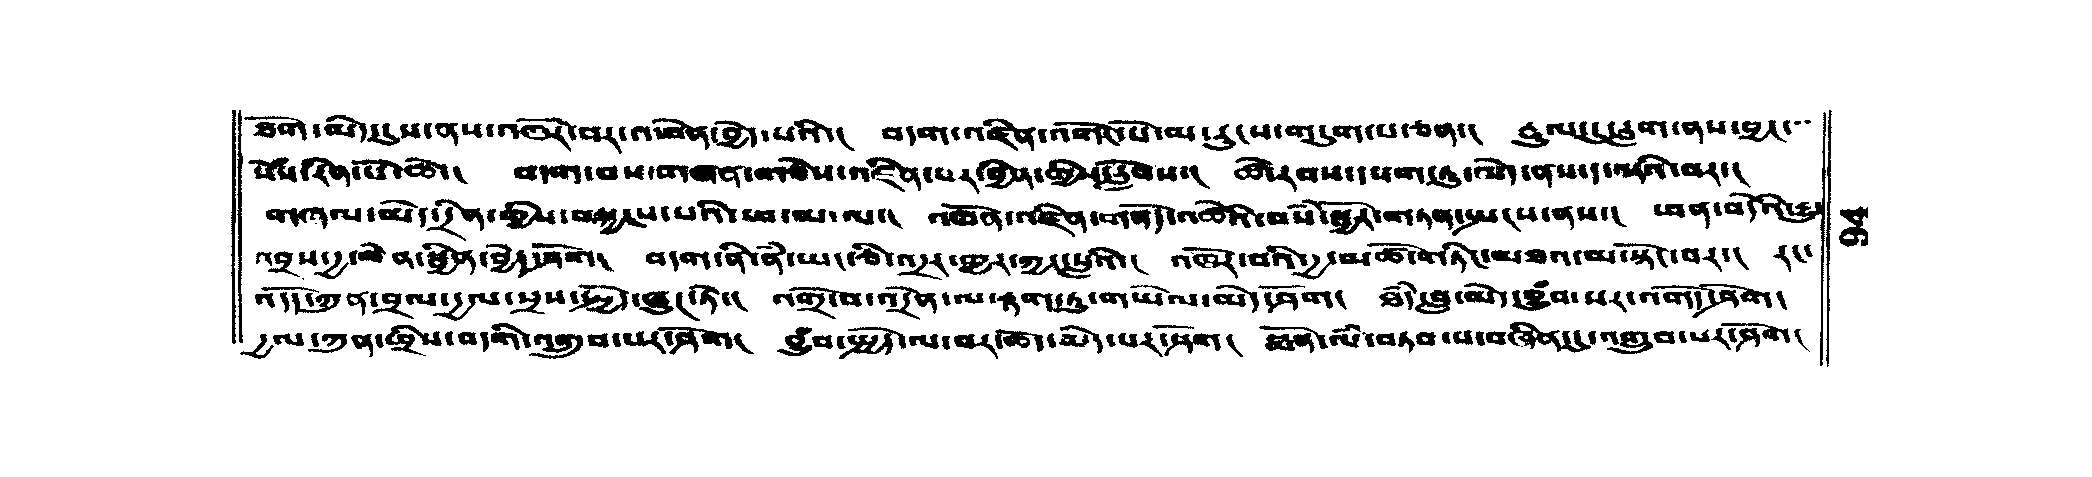།ཐོག་མེད་དུས་ནས་འཁོར་བར་འཕེན་བྱེད་པའི། །བདག་འཛིན་འགོང་པོ་མ་རུངས་གདུག་པ་ཅན། །རྡུལ་དུ་རླག་ནས་བྱང་
སེམས་རིན་པོ་ཆེ། །བདག་བས་གཞན་གཅེས་འཛིན་པར་བྱིན་གྱིས་རློབས། །ཚེ་རབས་དཔག་ཏུ་མེད་ནས་ད་ལྟའི་བར། །
གཞལ་མེད་དྲིན་གྱིས་བསྐྱངས་པའི་ཕ་མ་ལ། །འཁོན་འཛིན་གནོད་འཚེའི་བསམ་སྦྱོར་གཏན་སྤངས་ནས། །ཕན་བདེའི་རྒྱུ་
འབྲས་རྒྱ་ཆེན་སྦྱིན་བྱེད་ཤོག།བདག་ནི་ནམ་ཡང་ཅི་འདྲར་གྱུར་ཀྱང་སླའི། །འཁོར་བའི་རྒྱ་མཚོ་གཏིང་མཐའ་མ་སྟོང་བར། །རང་
འདོད་ཀུན་བྲལ་རྒྱལ་སྲས་སྤྱོད་ཞུགས་ཏེ། །འགྲོ་བ་འདྲེན་ལ་རྟག་ཏུ་གཡེལ་མེད་ཤོག །ཐམས་ཅད་བླ་མེད་བྱང་ཆུབ་སར་འགོད་ཤོག །
རྒྱལ་ཀུན་ཕྲིན་ལས་བདག་གི་འགྲུབ་པར་ཤོག །བྱང་ཆུབ་སྤྱོད་ལ་བར་ཆད་མེད་པར་ཤོག །སྨོན་ལམ་བཏབ་པ་བཞིན་དུ་འགྲུབ་པར་ཤོག